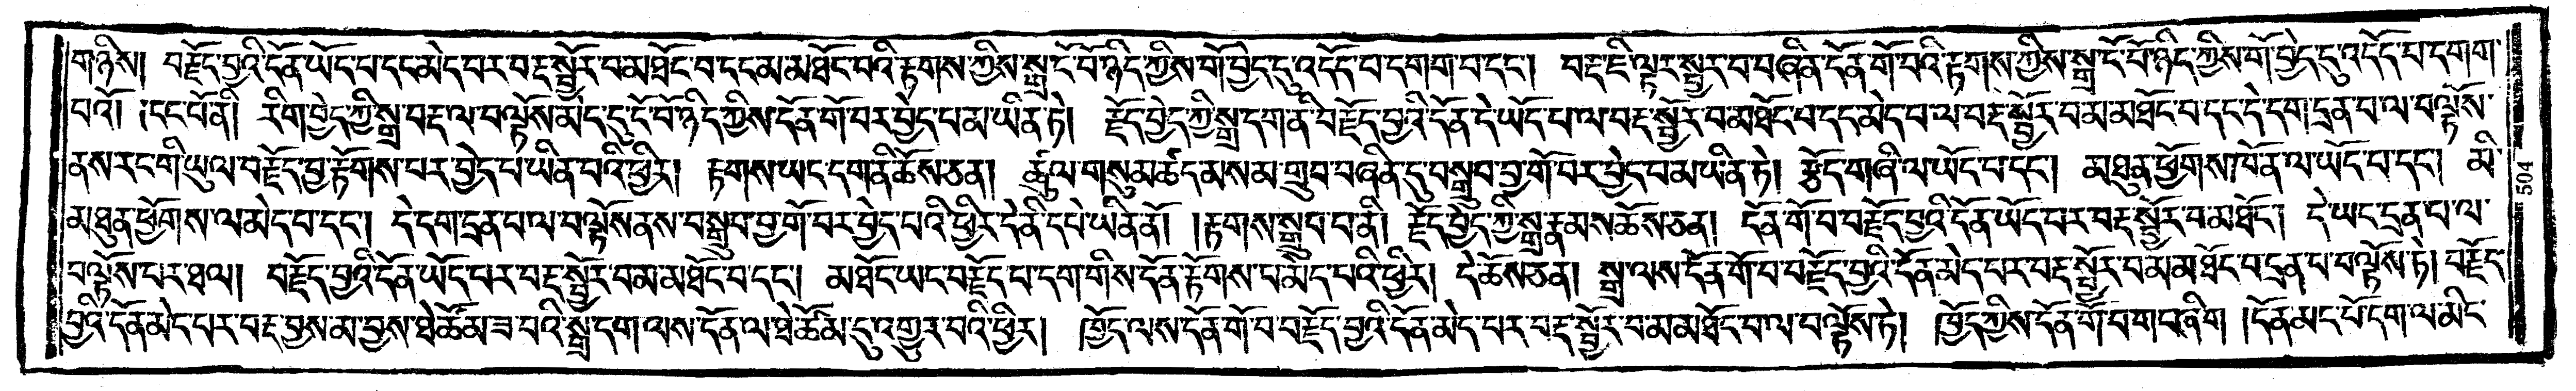གཉིས། བརྗོད་བྱའི་དོན་ཡོད་པ་དང་མེད་པར་བརྡ་སྦྱོར་བ་མཐོང་བ་དང་མ་མཐོང་བའི་རྟགས་ཀྱིས་སྒྲ་ངོ་བོ་ཉིད་ཀྱིས་གོ་བྱེད་དུ་འདོད་པ་དགག་པ་དང་། བརྡ་ཇི་ལྟར་སྦྱར་བ་བཞིན་དོན་གོ་བའི་རྟགས་ཀྱིས་སྒྲ་ངོ་བོ་ཉིད་ཀྱིས་གོ་བྱེད་དུ་འདོད་པ་དགག་
པའོ། །དང་པོ་ནི། རིག་བྱེད་ཀྱི་སྒྲ་བརྡ་ལ་བལྟོས་མེད་དུ་ངོ་བོ་ཉིད་ཀྱིས་དོན་གོ་བར་བྱེད་པ་མ་ཡིན་ཏེ། རྗོད་བྱེད་ཀྱི་སྒྲ་དག་ནི་བརྗོད་བྱའི་དོན་དེ་ཡོད་པ་ལ་བརྡ་སྦྱོར་བ་མཐོང་བ་དང་མེད་པ་ལ་བརྡ་སྦྱོར་བ་མ་མཐོང་བ་དང་དེ་དག་དྲན་པ་ལ་བལྟོས་
ནས་རང་གི་ཡུལ་བརྗོད་བྱ་རྟོགས་པར་བྱེད་པ་ཡིན་པའི་ཕྱིར། རྟགས་ཡང་དག་ནི་ཆོས་ཅན། ཚུལ་གསུམ་ཚད་མས་མ་གྲུབ་བཞིན་དུ་བསྒྲུབ་བྱ་གོ་བར་བྱེད་པ་མ་ཡིན་ཏེ། རྩོད་གཞི་ལ་ཡོད་པ་དང་། མཐུན་ཕྱོགས་ཁོ་ན་ལ་ཡོད་པ་དང་། མི་
མཐུན་ཕྱོགས་ལ་མེད་པ་དང་། དེ་དག་དྲན་པ་ལ་བལྟོས་ནས་བསྒྲུབ་བྱ་གོ་བར་བྱེད་པའི་ཕྱིར་དེ་ནི་དཔེ་ཡིན་ནོ། །རྟགས་སྒྲུབ་པ་ནི། རྗོད་བྱེད་ཀྱི་སྒྲ་རྣམས་ཆོས་ཅན། དོན་གོ་བ་བརྗོད་བྱའི་དོན་ཡོད་པར་བརྡ་སྦྱོར་བ་མཐོང་། དེ་ཡང་དྲན་པ་ལ་
བལྟོས་པར་ཐལ། བརྗོད་བྱའི་དོན་ཡོད་པར་བརྡ་སྦྱོར་བ་མ་མཐོང་བ་དང་། མཐོང་ཡང་བརྗོད་པ་དག་གིས་དོན་རྟོགས་པ་མེད་པའི་ཕྱིར། དེ་ཆོས་ཅན། སྒྲ་ལས་དོན་གོ་བ་བརྗོད་བྱའི་དོན་མེད་པར་བརྡ་སྦྱོར་བ་མ་མཐོང་བ་དྲན་པ་བལྟོས་ཏེ། བརྗོད་
བྱའི་དོན་མེད་པར་བརྡ་བྱས་མ་བྱས་ཐེ་ཚོམ་ཟ་བའི་སྒྲ་དག་ལས་དོན་ལ་ཐེ་ཚོམ་དུ་འགྱུར་བའི་ཕྱིར། ཁྱོད་ལས་དོན་གོ་བ་བརྗོད་བྱའི་དོན་མེད་པར་བརྡ་སྦྱོར་བ་མ་མཐོང་བ་ལ་བལྟོས་ཏེ། ཁྱོད་ཀྱིས་དོན་གོ་བ་གང་ཞིག །དོན་མང་པོ་དག་ལ་མིང་